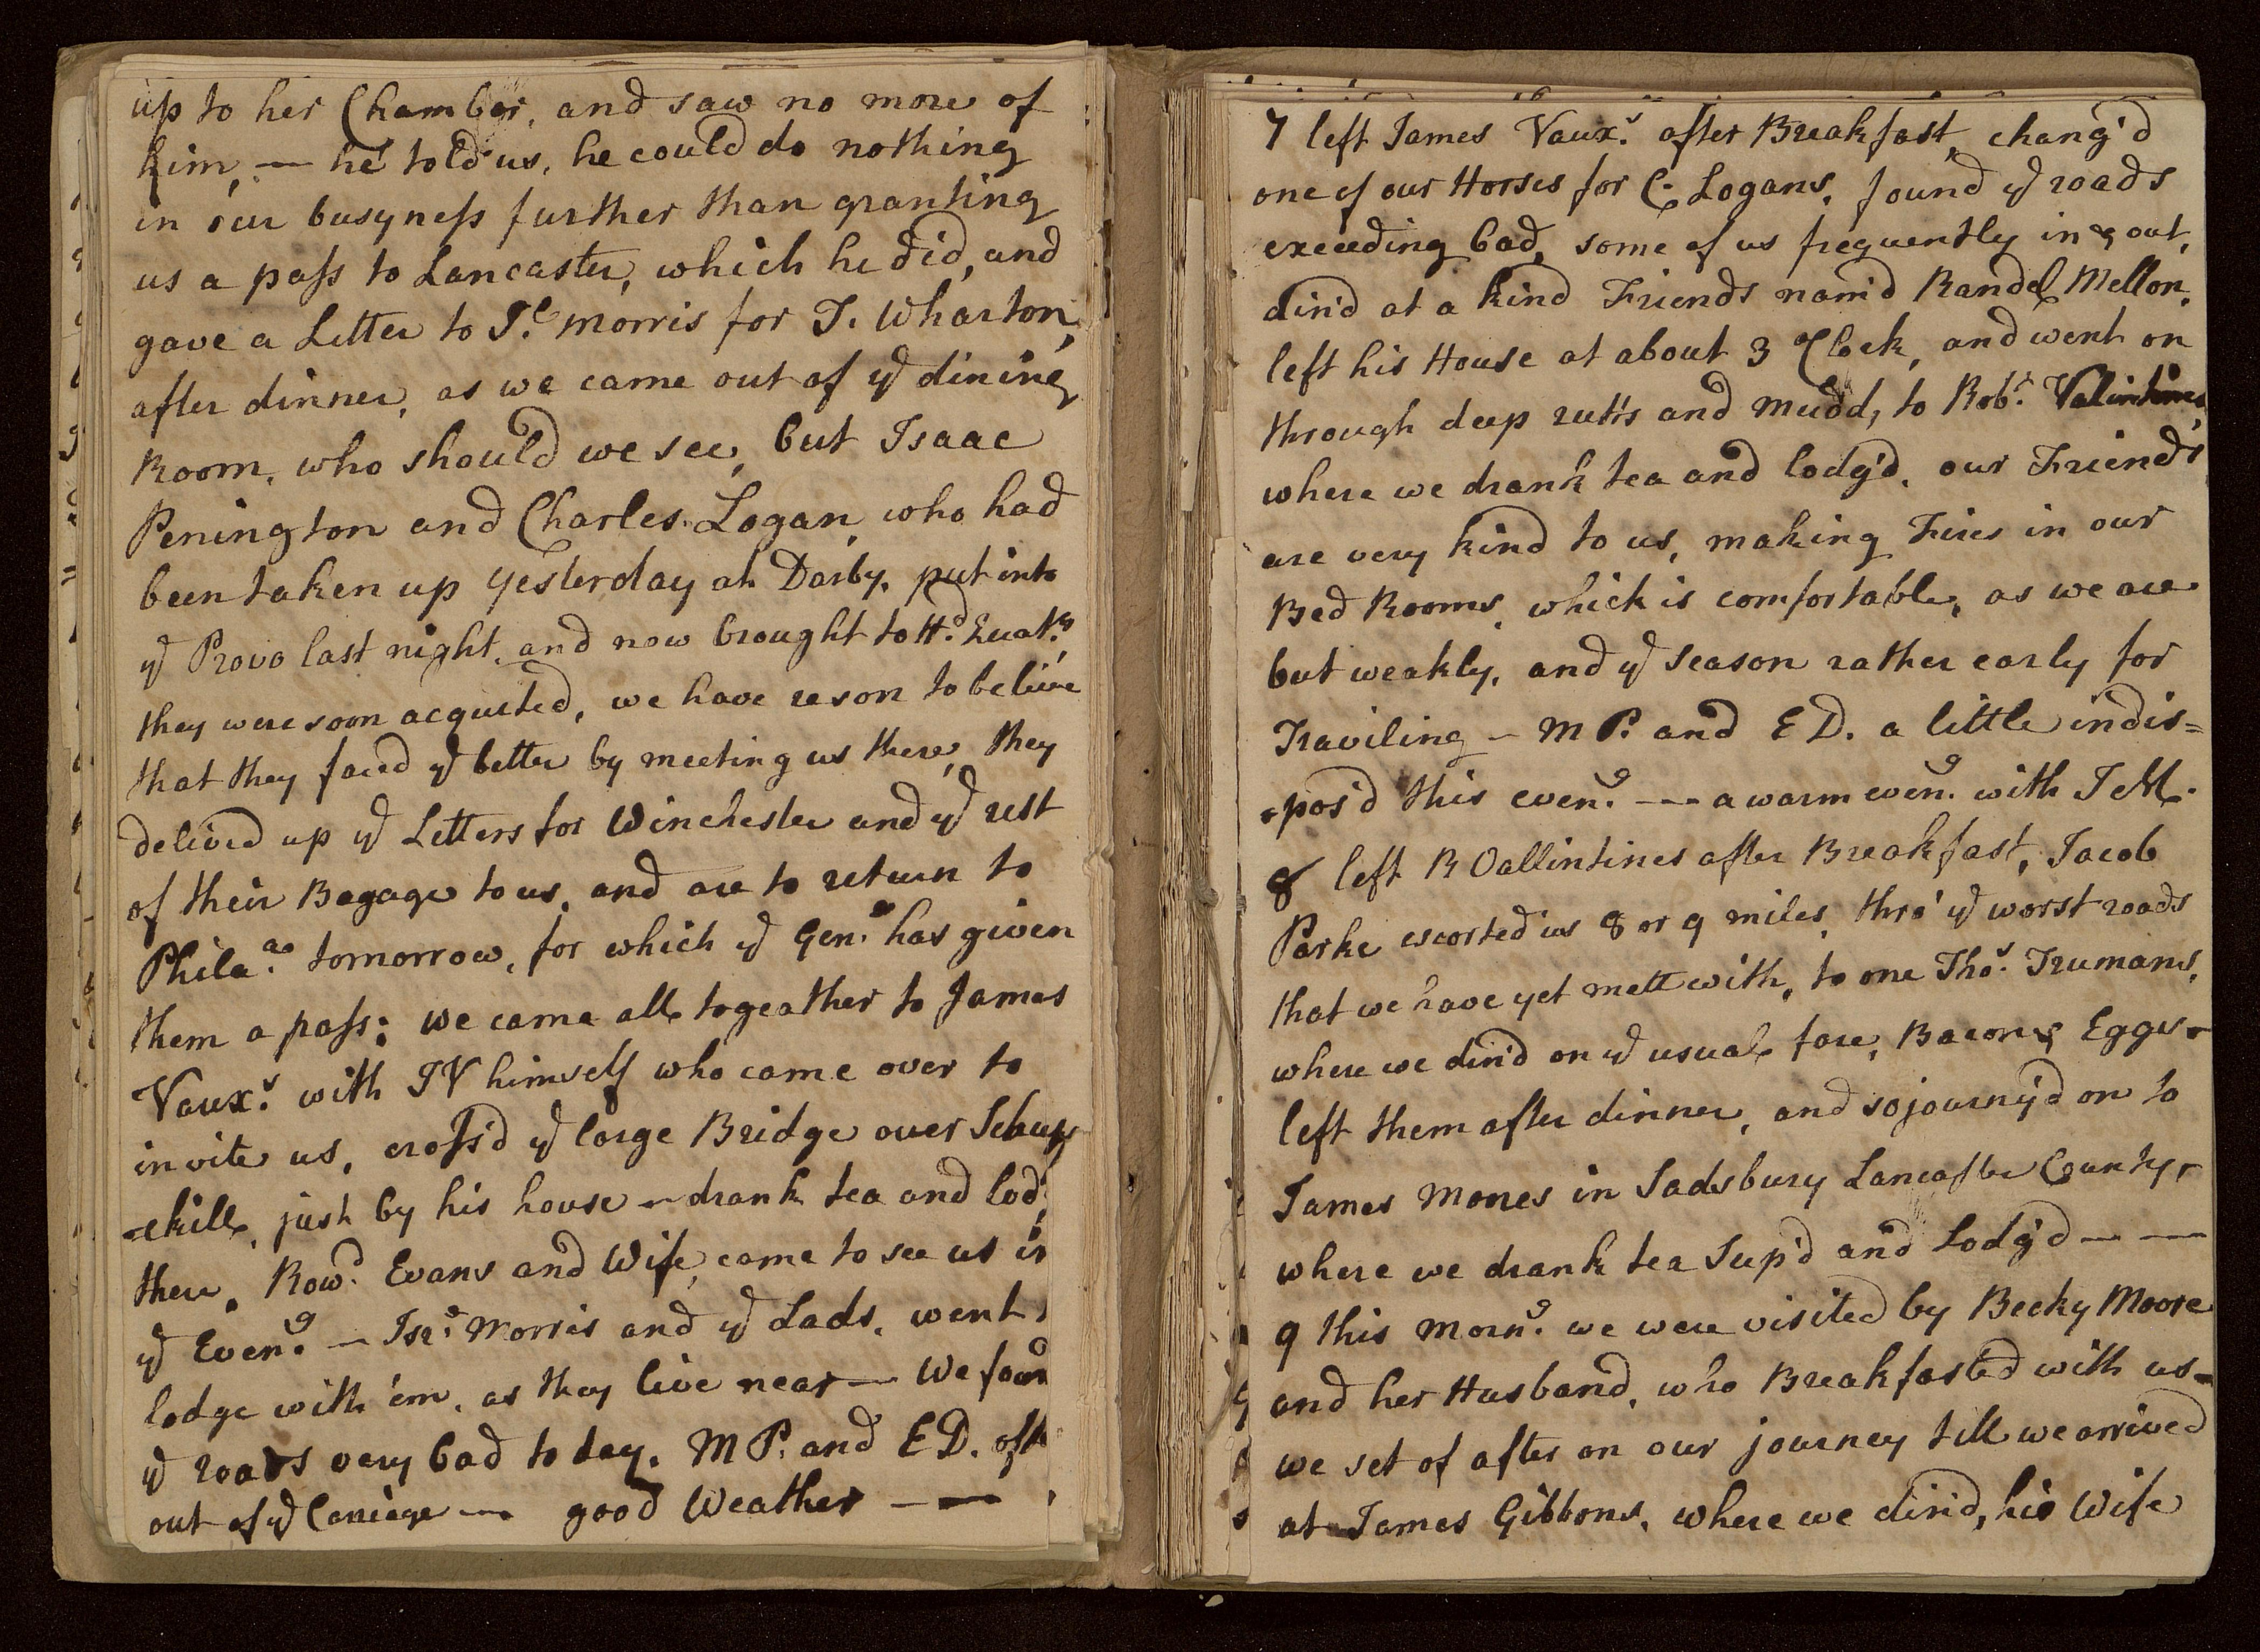up to her Chamber, and saw no more of
him,- he told us, he could do nothing
in our busyness further than granting
us a pass to Lancaster, which he did, and
gave a Letter to J^c. Morris for T. Wharton,
after dinner, as we came out of y^e dining
Room, who should we see, but Isaac
Penington and Charles Logan, who had
been taken up yesterday at Darby, put into
y^e Provo last night, and now brought to H^d. Quat^rs.
they were soon acquited, we have reson to believe,
that they faced y^e better by meeting us there, they
delived up y^e Letters for Winchester and y^e rest
of their Bagage to us, and are to return to
Phila^a. tomorrow, for which y^e Gen^l. has given
them a pass: we came all togeather to James
Vaux^s. with JV himself who came over to
invite us, cross'd y^e large Bridge over Schuy
-chill, just by his house- drank tea and lod
there. Row^d. Evans and Wife, come to see us in
y^e Even^g.- Isr^l. Morris and y^e Lads, went
lodge with 'em, as they live near- We found
y^e roads very bad to day. MP. and ED. off
out of y^e Carriage- good weather-
7 left James Vaux^s. after Breakfast, chang'd
one if our Horses for C. Logans. found y^e roads
exceeding bad, some of us frequently in & out,
din'd at a kind Friends nam'd Randel Mellon,
left his House at about 3 ^o Clock, and went on
through deep rutts and mudd, to Rob^t. Valintines
where we drank tea and lodg'd, our Friends
are very kind to us, making Fires in our
Bed Rooms, which is comfortable, as we are
but weakly, and y^e season rather early for
Traviling- MP. and ED. a little indis-
-pos'd this even^g.- a warm even^g. with S M.
8 left R Vallintines after Breakfast, Jacob
Parke escorted us 8 or 9 miles, thro' y^e worst roads
that we have yet mett with, to one Tho^s. Trumans,
where we din'd on y^e usual fore, Bacon & Eggs-
left them after dinner, and so journy'd on to
James Mones in Sadsbury Lancaster County-
where we drank tea Sup'd and lodg'd--
9 this morn^g. we were visited by Becky Moore
and her Husband, who Breakfasted with us-
we set of after on our journey till we arrived
at- James Gibbons. where we din'd, his Wife